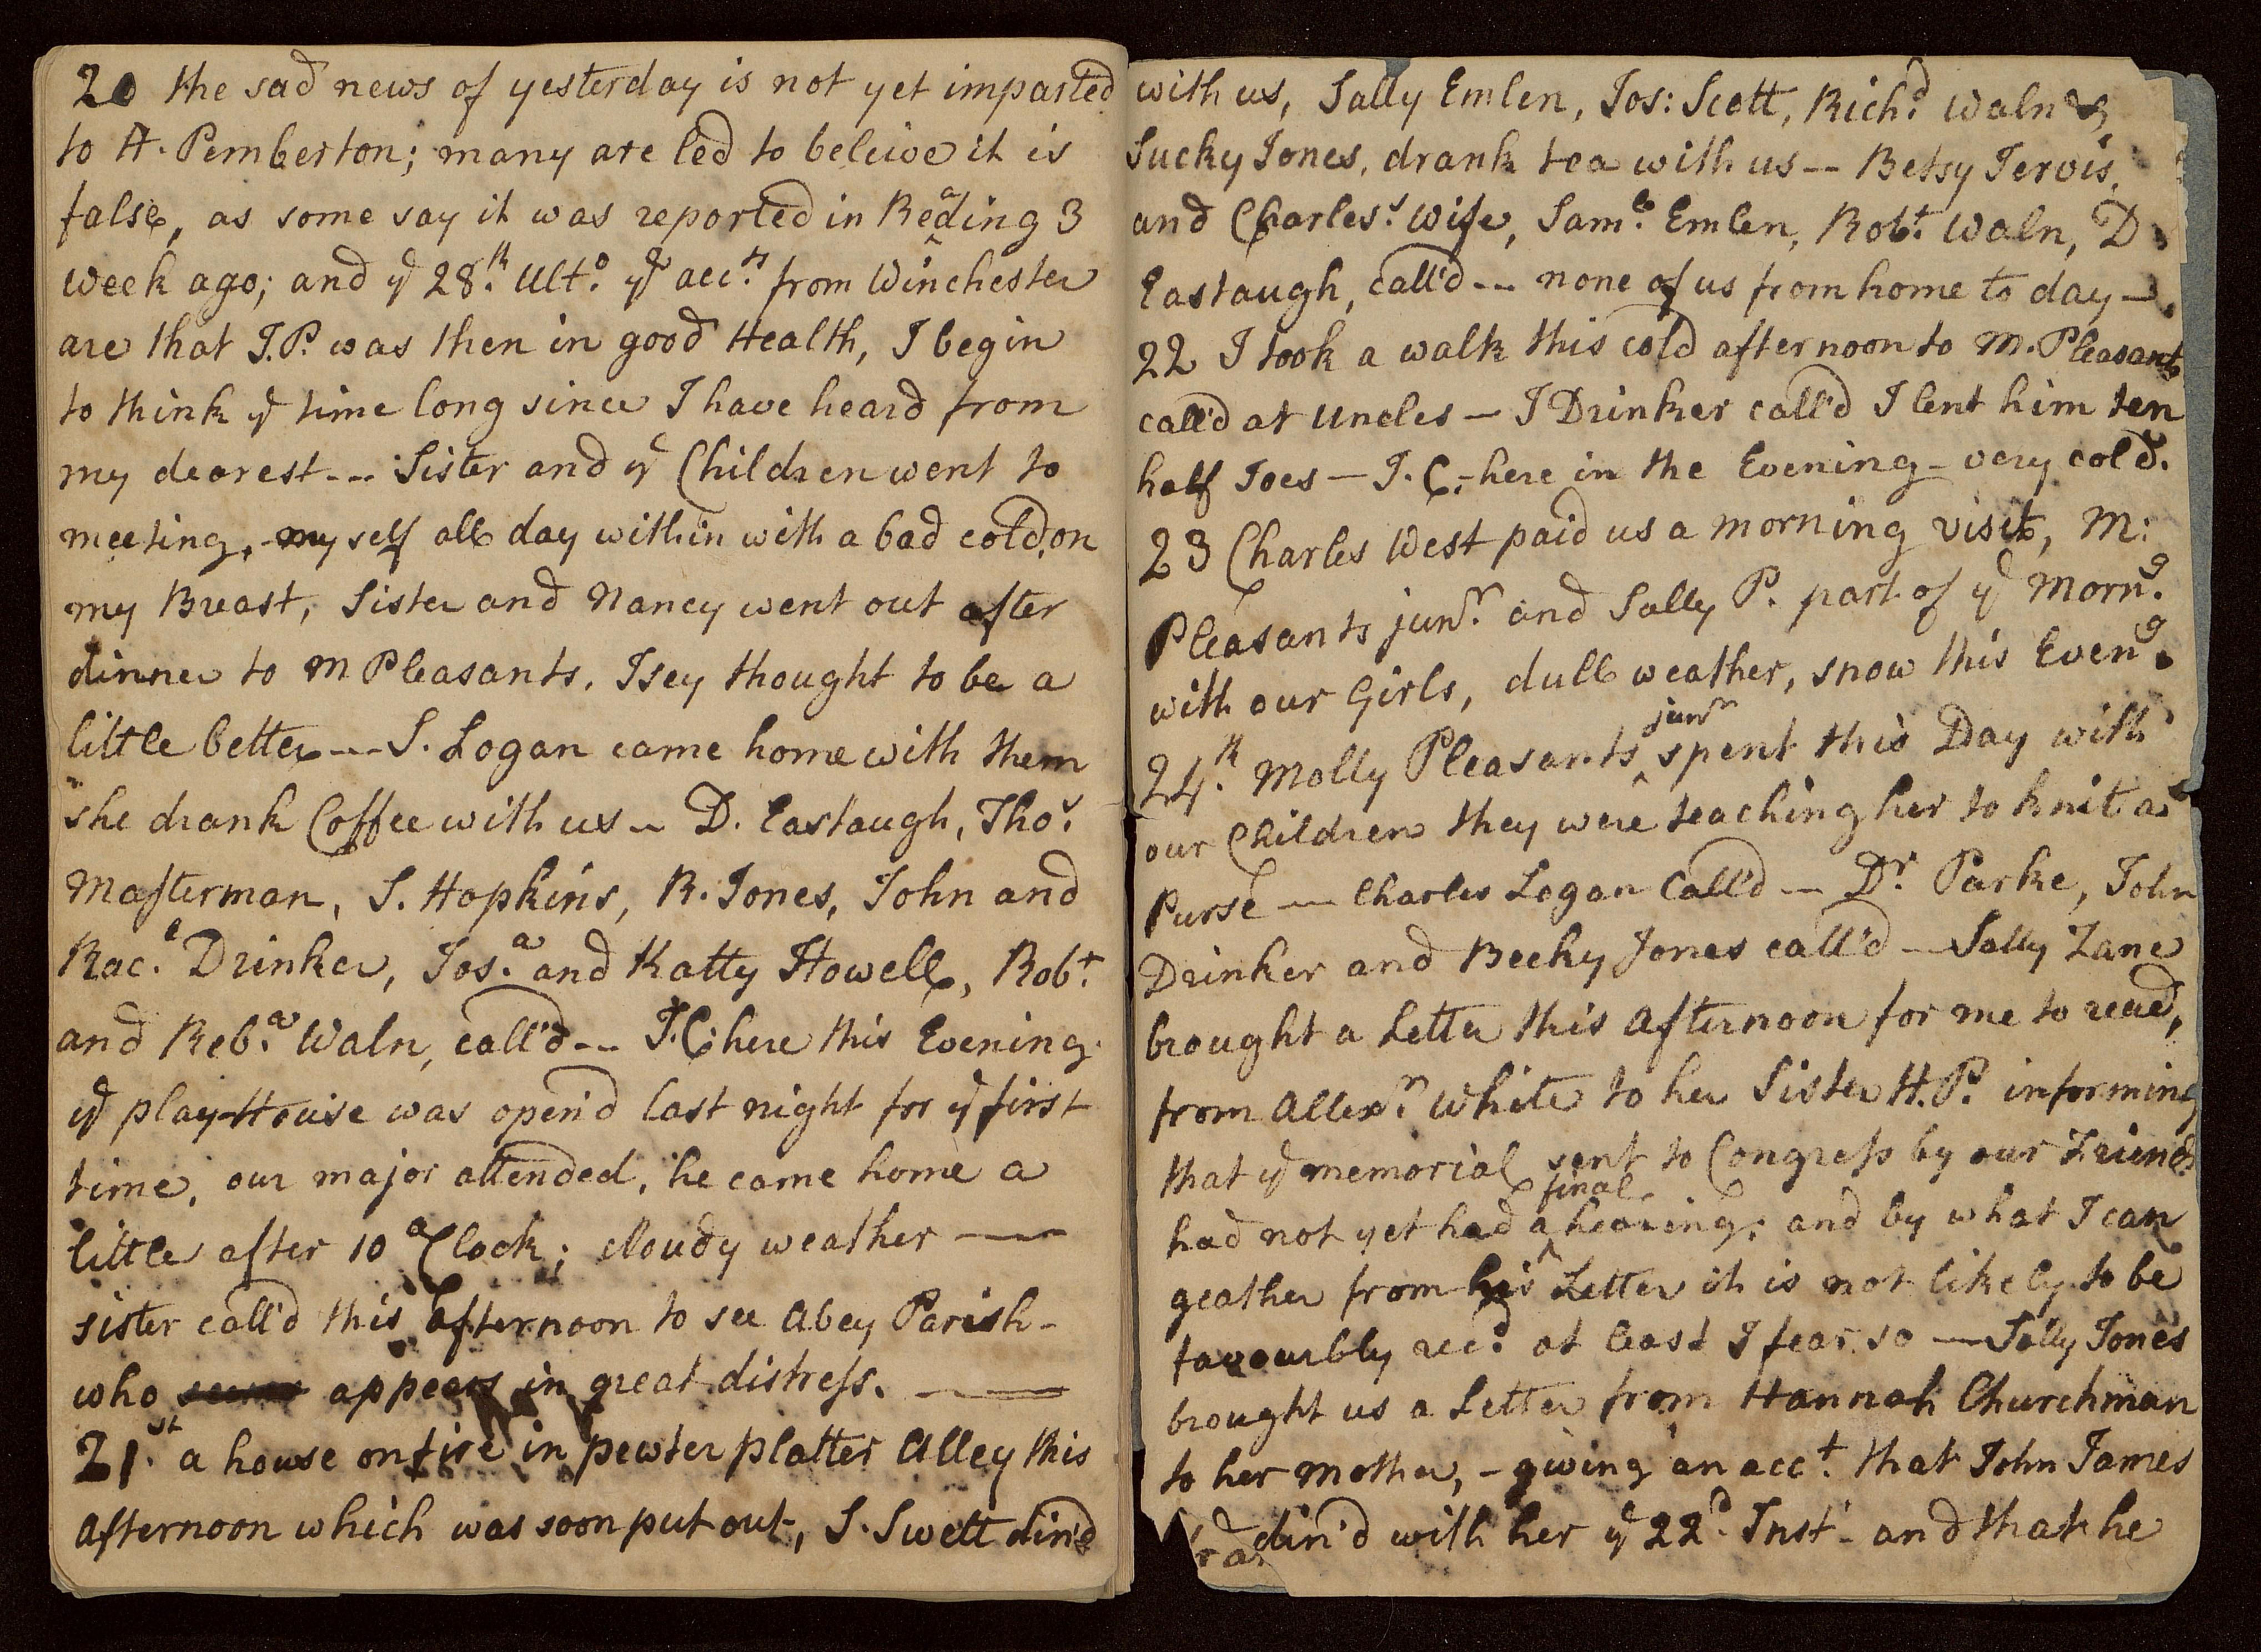20 the sad news of yesterday is not yet imparted
to H. Pemberton; many are led to beleive it is
false, as some say it was reported in Re^ading 3
Week ago; and y^e 28^th. Ult^o. y^e acc^ts. from Winchester
are that J.P. was then in good Health, I begin
to think y^e time long since I have heard from
my dearest-- Sister and y^e Children went to
meeting, myself all day with in with a bad cold, on
my Breast, Sister and Nancy went out after
dinner to M Pleasants, Jsey thought to be a
little better--- S. Logan came home with them
she drank Coffee with us- D. Eastaugh, Tho^s.
Masterman, S. Hopkins, R. Jones, John and
Rac^l. Drinker, Jos^a. and Katty Howell, Rob^t.
and Reb^a. Waln call'd-- I.C. here this Evening
y^e play-House was open'd last night for y^e first
time, our major attended, he came home a
little after 10 ^oClock; cloudy weather-
sister call'd this afternoon to see Abey Parish-
who [seems] appears in great distress.-
21^st. a house on fire in pewter platter Alley this
Afternoon which was soon put out; S. Swett din'd
with us, Sally Emlen, Jos: Scott, Rich^d Waln &
Sucky Jones, drank tea with us-- Betsy Jervis,
and Charles^s. Wife, Sam^l. Emlen, Rob^t Waln, D
Eastaugh, call'd- none of us from home to day-
22 I took a walk this cold afternoon to M. Pleasants
call'd at Uncles- I Drinker call'd I lent him ten
half Joes- I. C. -here in the Evening- very cold.
23 Charles West paid us a morning visit, M:
Pleasants jun^r. and Sally P. part of y^e morn^g.
with our Girls, dull weather, snow this Even^g.
jun^r
24^th. Molly Pleasants ^ spent this Day with
our Children they were teaching her to knit a
Purse- Charles Logan Call'd- D^r. Parke, John
Drinker and Becky Jones call'd- Sally Zane
brought a Letter this Afternoon for me to read,
from Allex^r. White to her Sister H.P. informing
that y^e memorial sent to Congress by our Friend
final
had not yet had a ^ hearing; and by what I can
geather from his Letter it is not likely to be
favourbly rec^d. at least I fear so- Sally Jones
brought us a Letter from Hannah Churchman
to her mother,- owing an acc^t. that John James
din'd with her y^e 22^d. Inst'- and that he